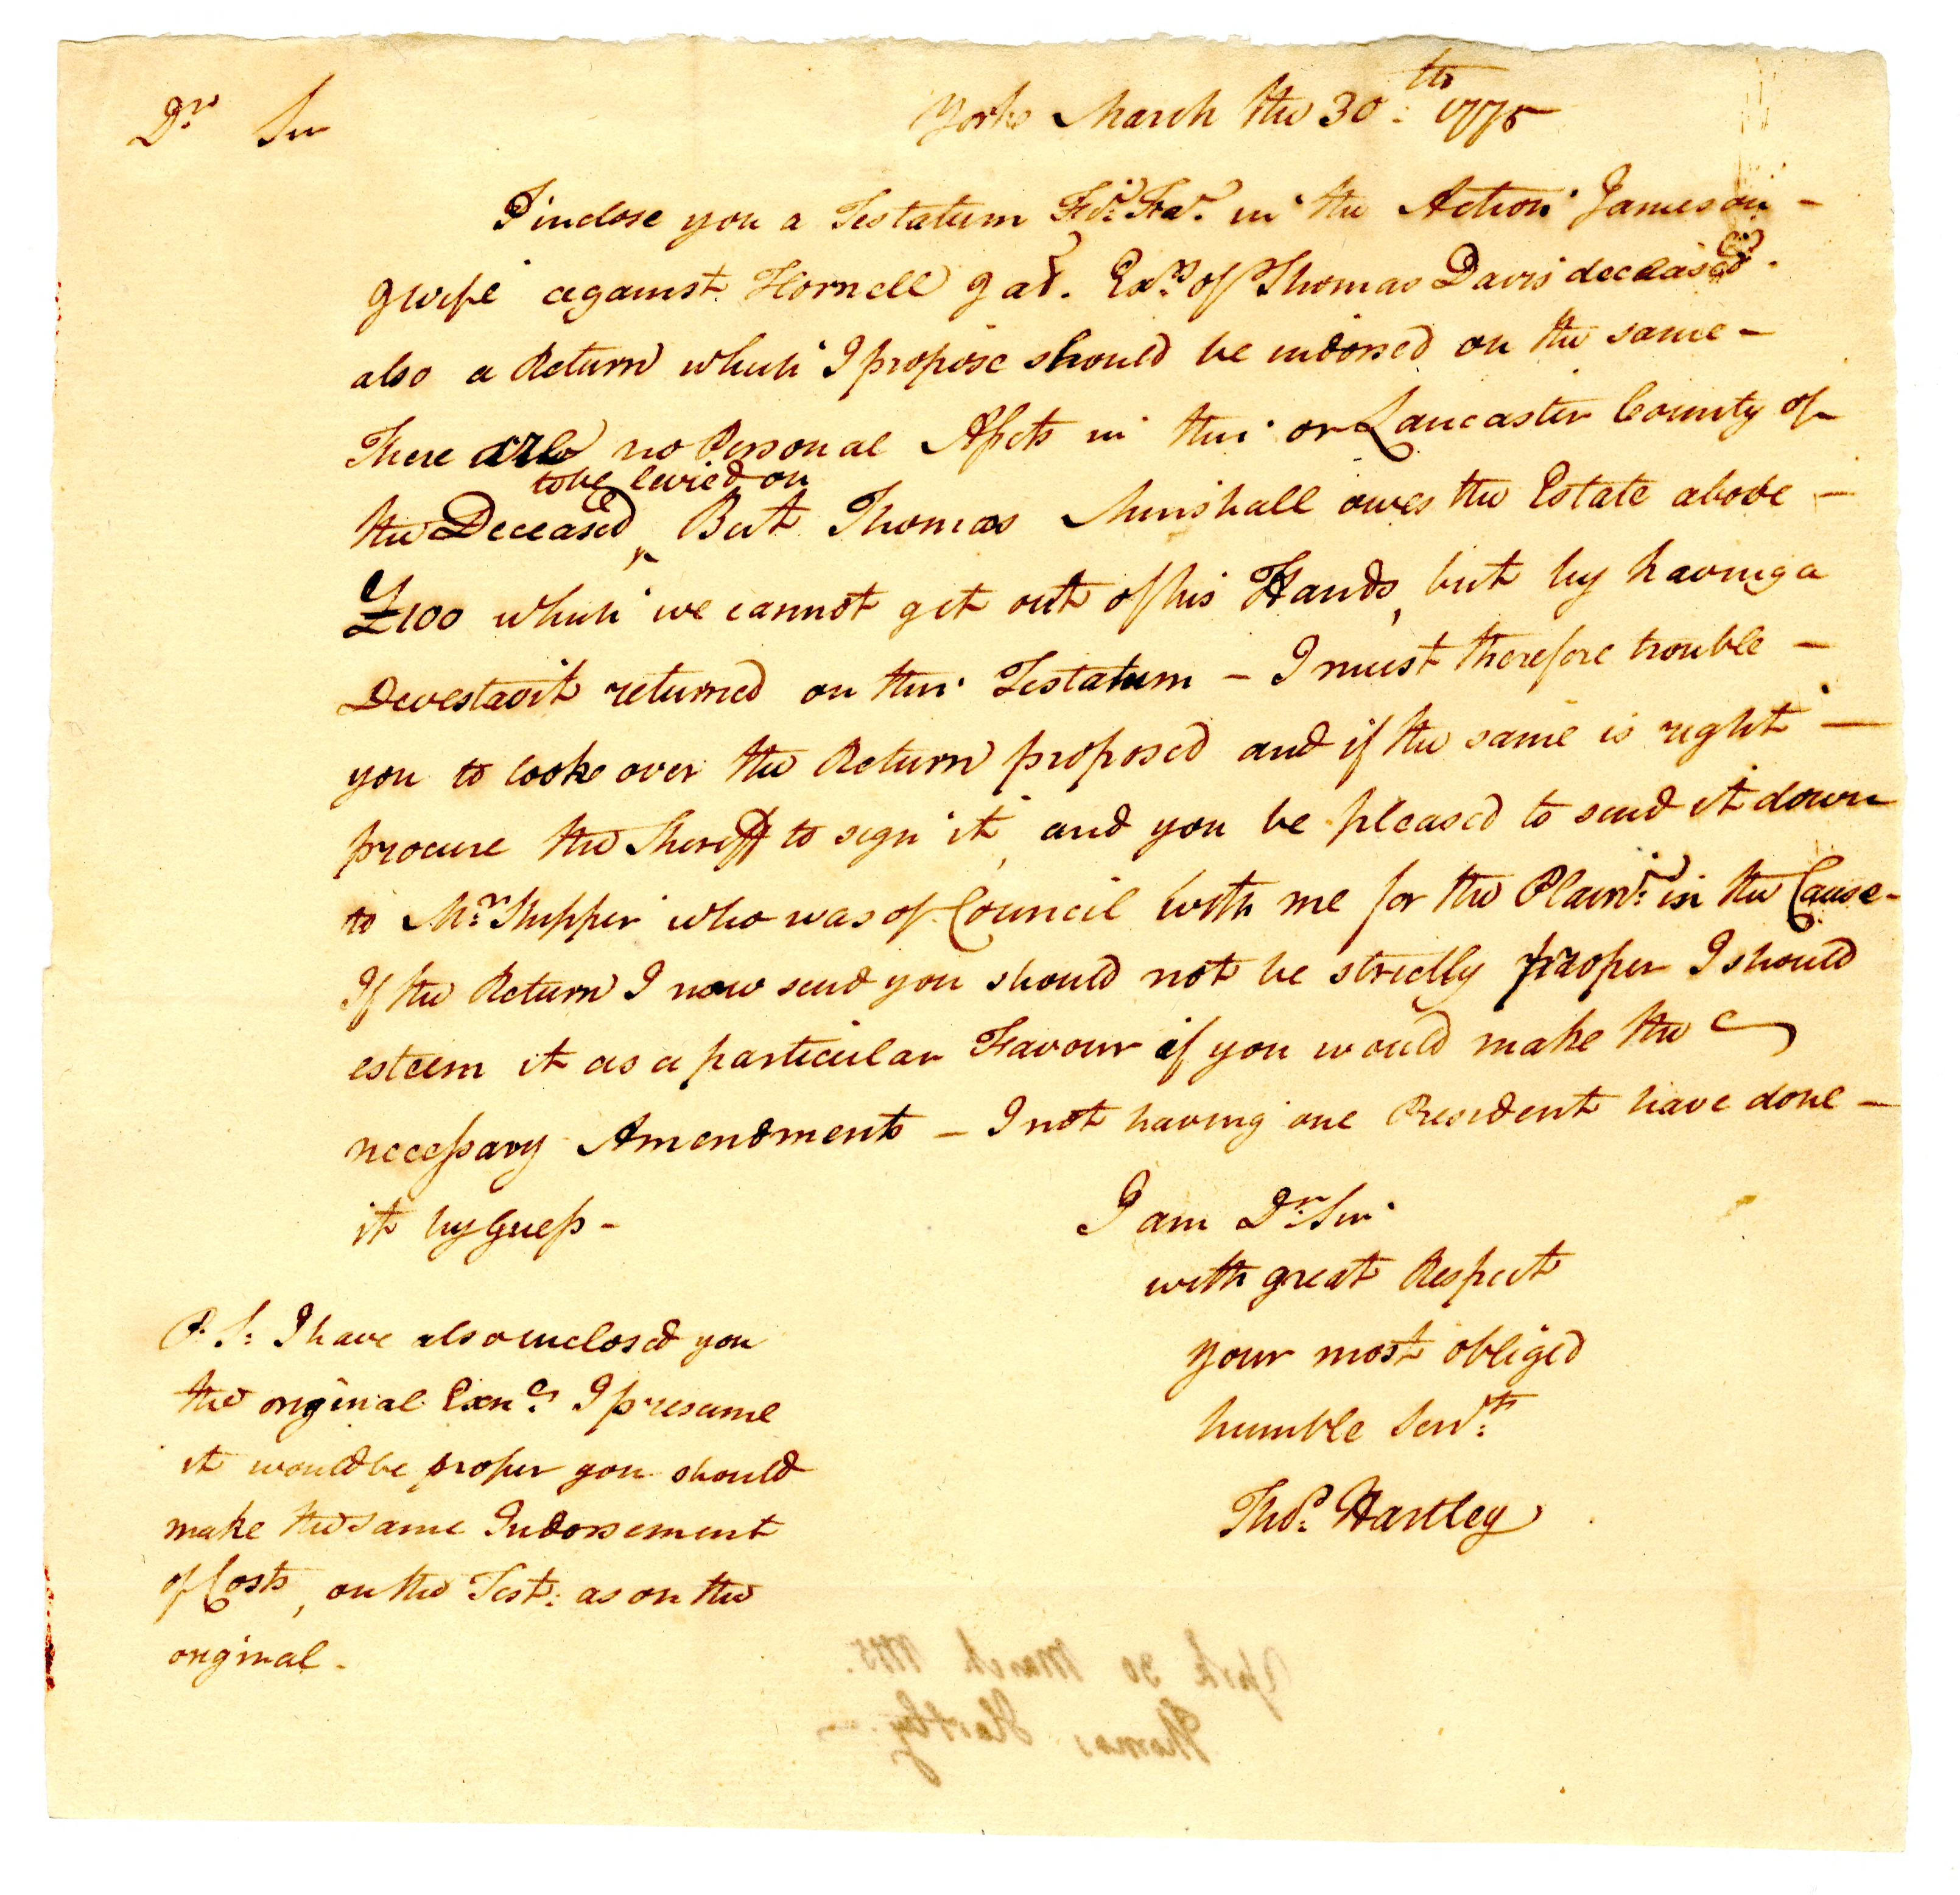York March the 30^th 1775
D^r Sir
I inclose you a Testatum Fed: Tra. in the Action Jameson
& wife against Hormell & at. Ex^r. of Thomas Davis deceased
also a Return which I propose should be indorsed on the same
There are no Personal Assets in this or Lancaster County of
to be levied on
the Deceased ^ But Thomas Shenshall owes the Estate about
£100 which we cannot get out of his Hands, but by having a
Devestavit returned on their Testatum. I must therefore trouble
you to look over the Return proposed and if the same is right
procure the Sheriff to sign it and you be pleased to send it down
to M^r Shippen who was of Council with me for the Plan^f in the Cause
If the Return I now send you should not be strictly proper I should
esteem it as a particular Favour if you would make the
necessary Ammendment. I not having one Resident have done.
it by guess
I am D^r Sir
with great Respect
your most obliged
humble Serv^t
Tho^s. Hartley
P.S. I have also inclosed you
the original Exn^e. I presume
it would be proper you should
make the same Indorsement
of Costs, on the Test as on the
original